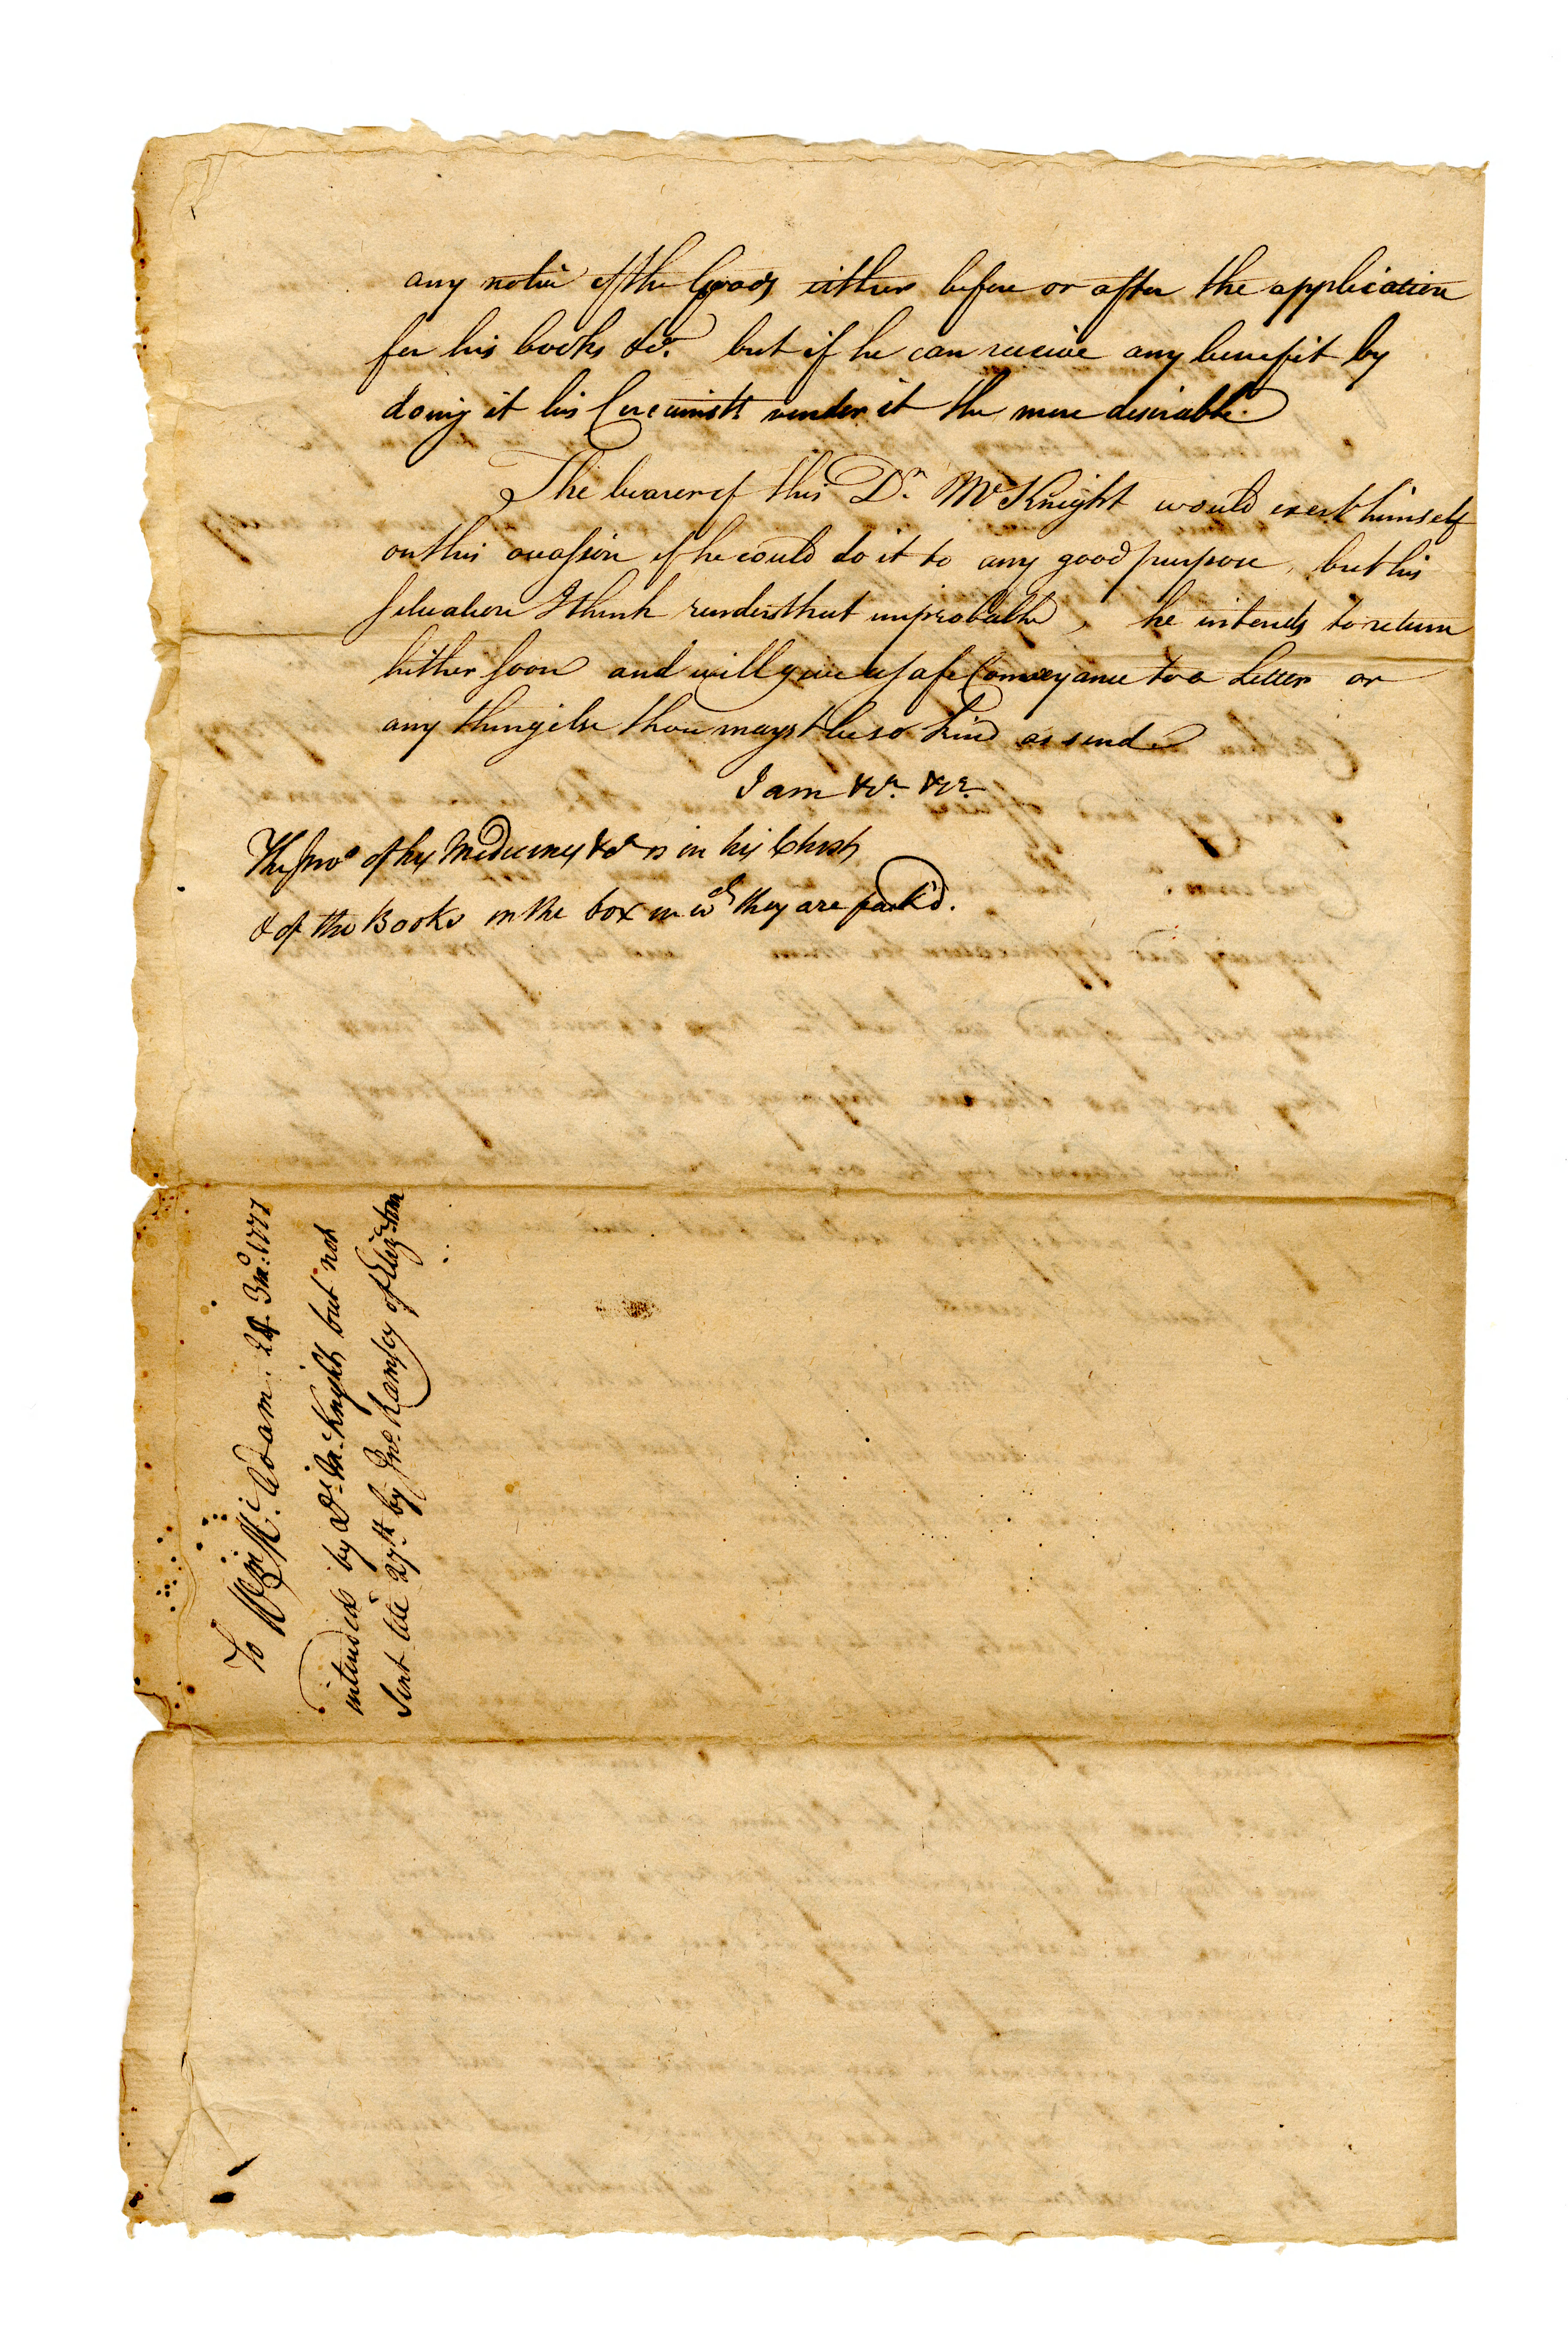any notice of the Goods either before or after the application
for his books &c^a. but if he can receive any benefit by
doing it his Circumst^s. render it the more desirable.
The bearer of this D^r. M^cKnight would exert himself
on this occasion if he could do it to any good purpose, but his
situation I think renders that improbable, he intends to return
hither soon and will give a safe Conveyance to a Letter or
any thing else thou mayst be so kind as send
I am &c^a. &c^a.
The Inv^o. of his Medicines &c^a in his Chest
& of the Books in the box in w^ch they are pack'd.
To W^m M^cAdam 24. 3m^o 1777
intended by D^r. M^c.Knight but not
sent till 27^th. by Jn^o. Ramsey of Eliz^a.town